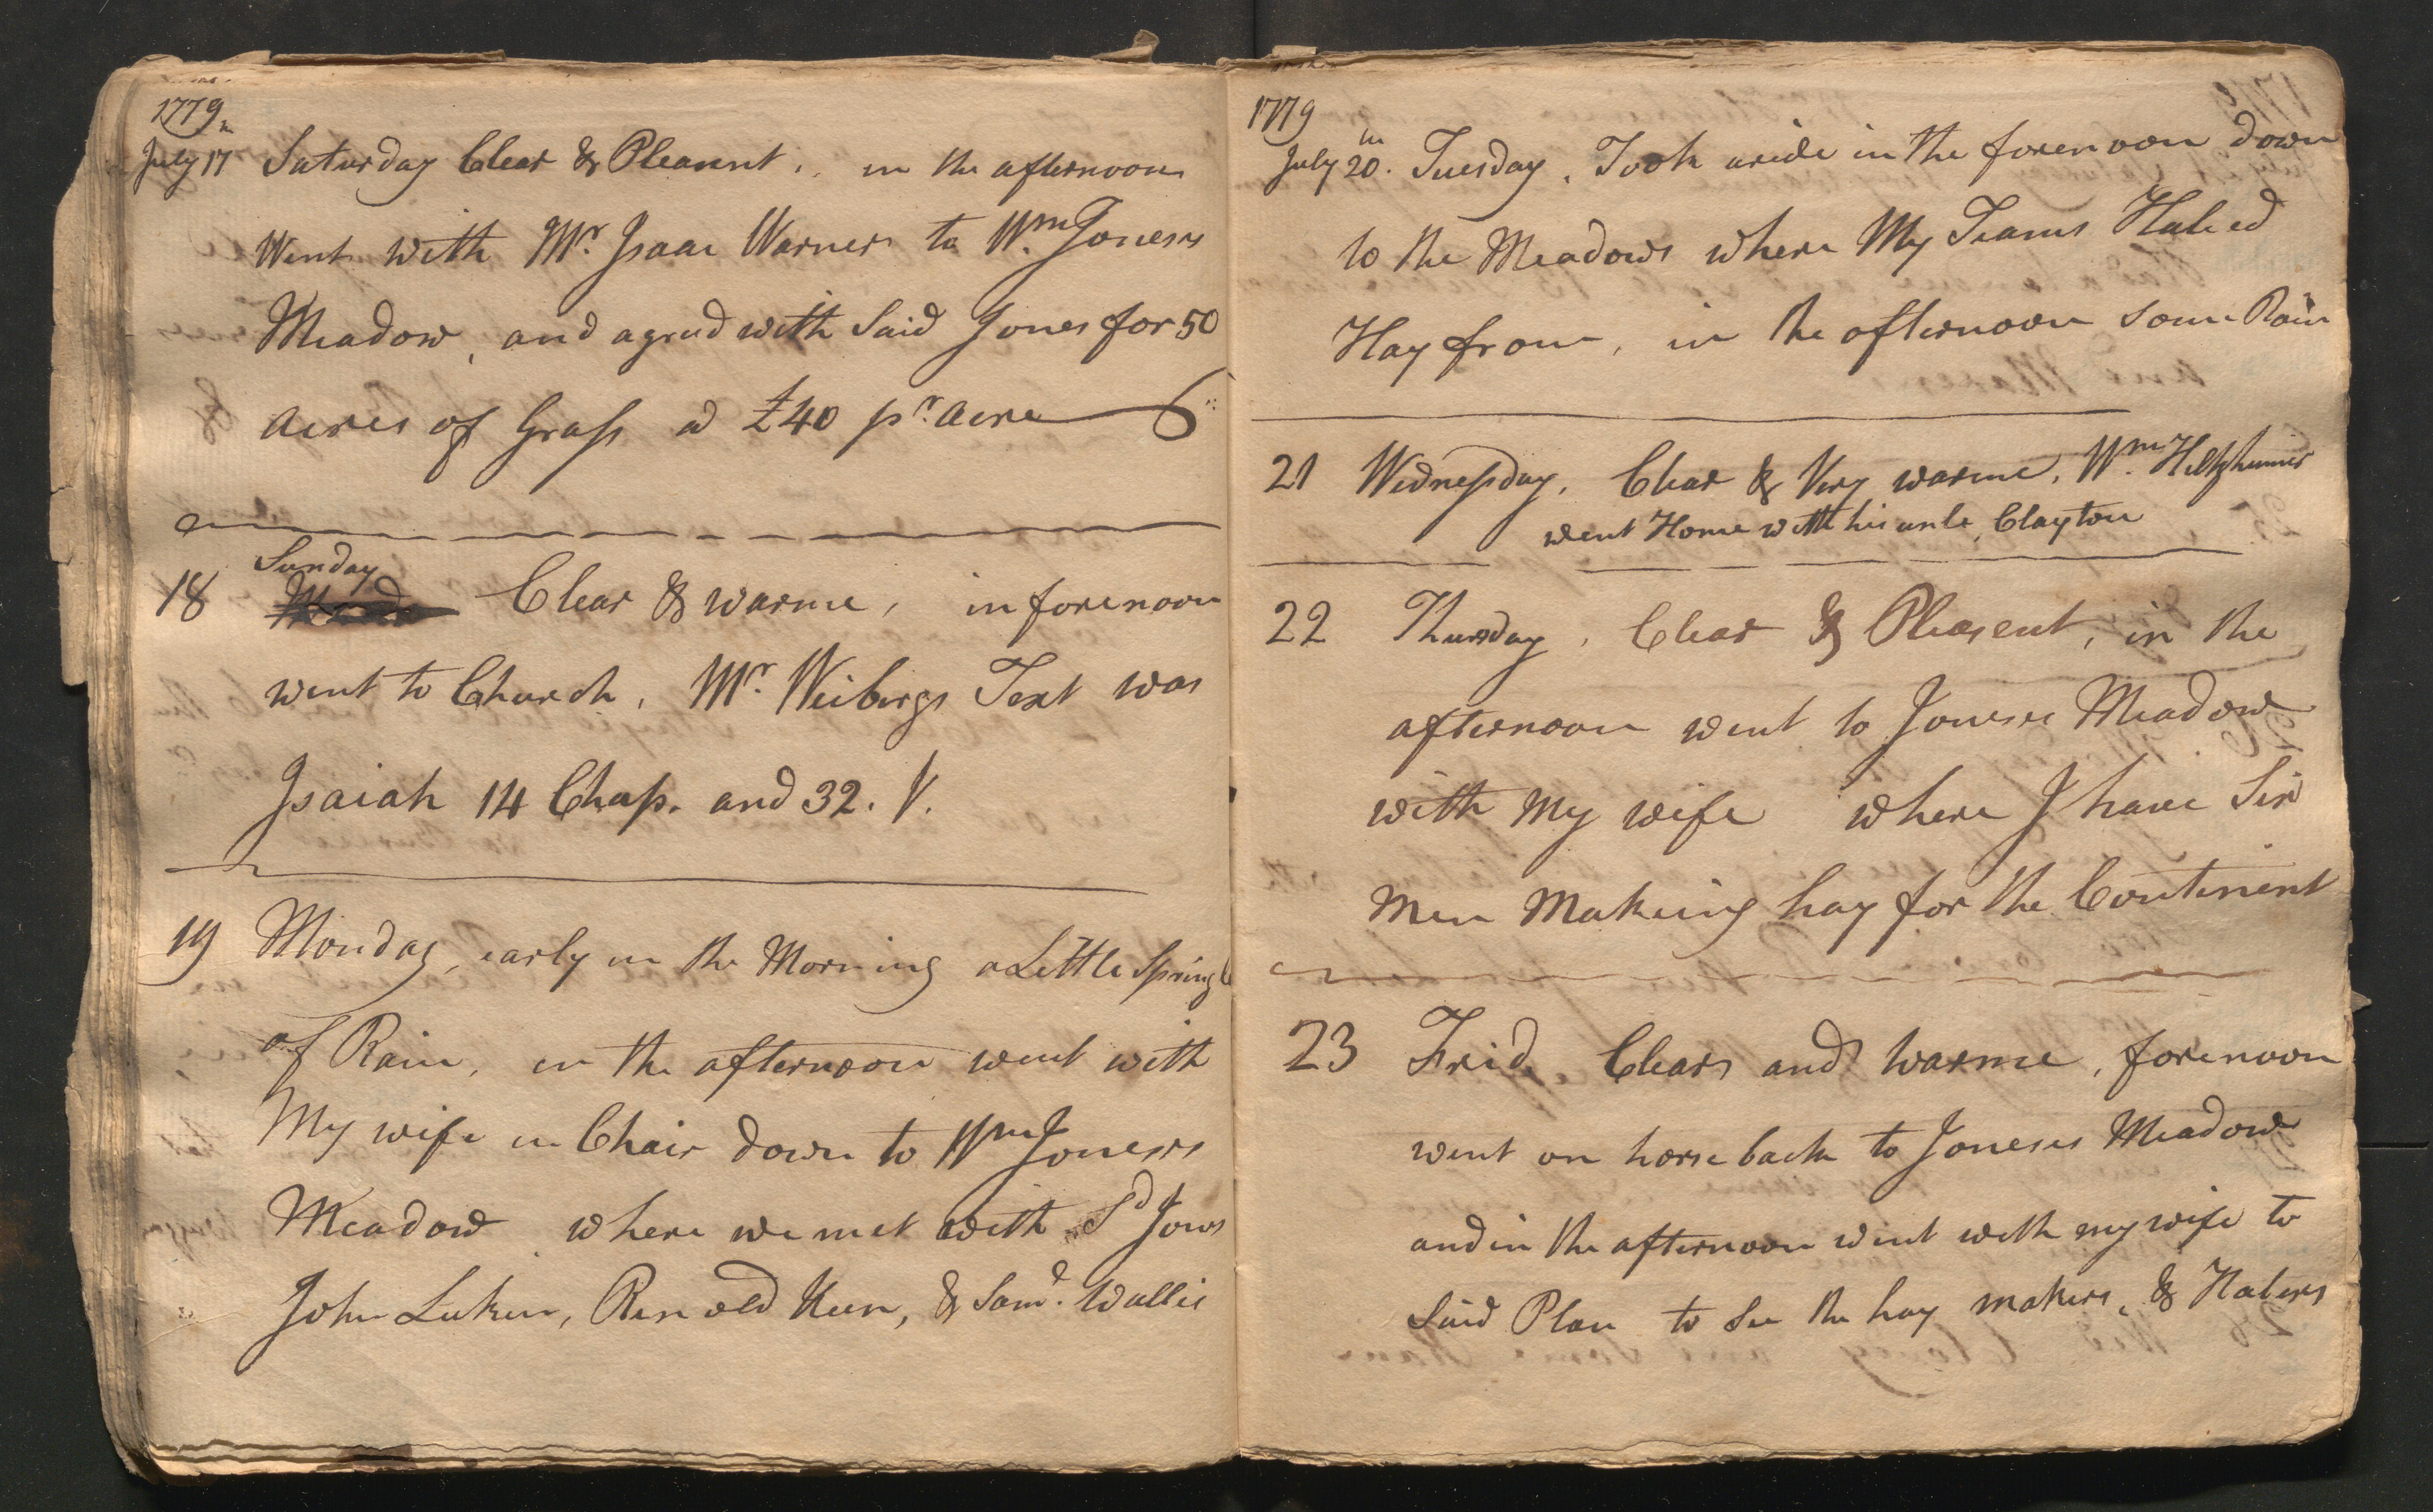1779
July 17 Saturday Clear & Pleasent, in the afternoon
Went with M^r. Isaac Warner to W^m. Joneses
Meadow, and agred with said Jones for 50
dires of Grass @ £40 p^r. acre
Sunday
18 [______] Clear & Warme, in forenoon
went to Church. M^r. Weibergs Text was
Isaiah 14 Chap- and 32. V.
19 Monday early in the Morning a Little spring
of Rain, in the afternoon went with
My wife in Chair down to W^m Joneses
Meadow where we met with s^d Jones
John Lukens, Renold Kun, & Sam^l. Wallis
1779
July 20^th. Tuesday, Took a ride in the forenoon down
to the Meadows where My Teams Haled
Hay from, in the afternoon some Rain
21 Wednesiday. Clear & Vay warme, W^m. Hiltzheimer
went Home with his uncle, Clayton
22 Thursday. Clear & Pleasent, in the
afternoon went to Joneses Meadow
with my wife where I have Six
Men Makeing hay for the Continent
23 Frid. Clear and warme, forenoon
went on horse back to Joneses Meadow
and in the afternoon went with my wife to
said Place to see the hay makers, & Halers